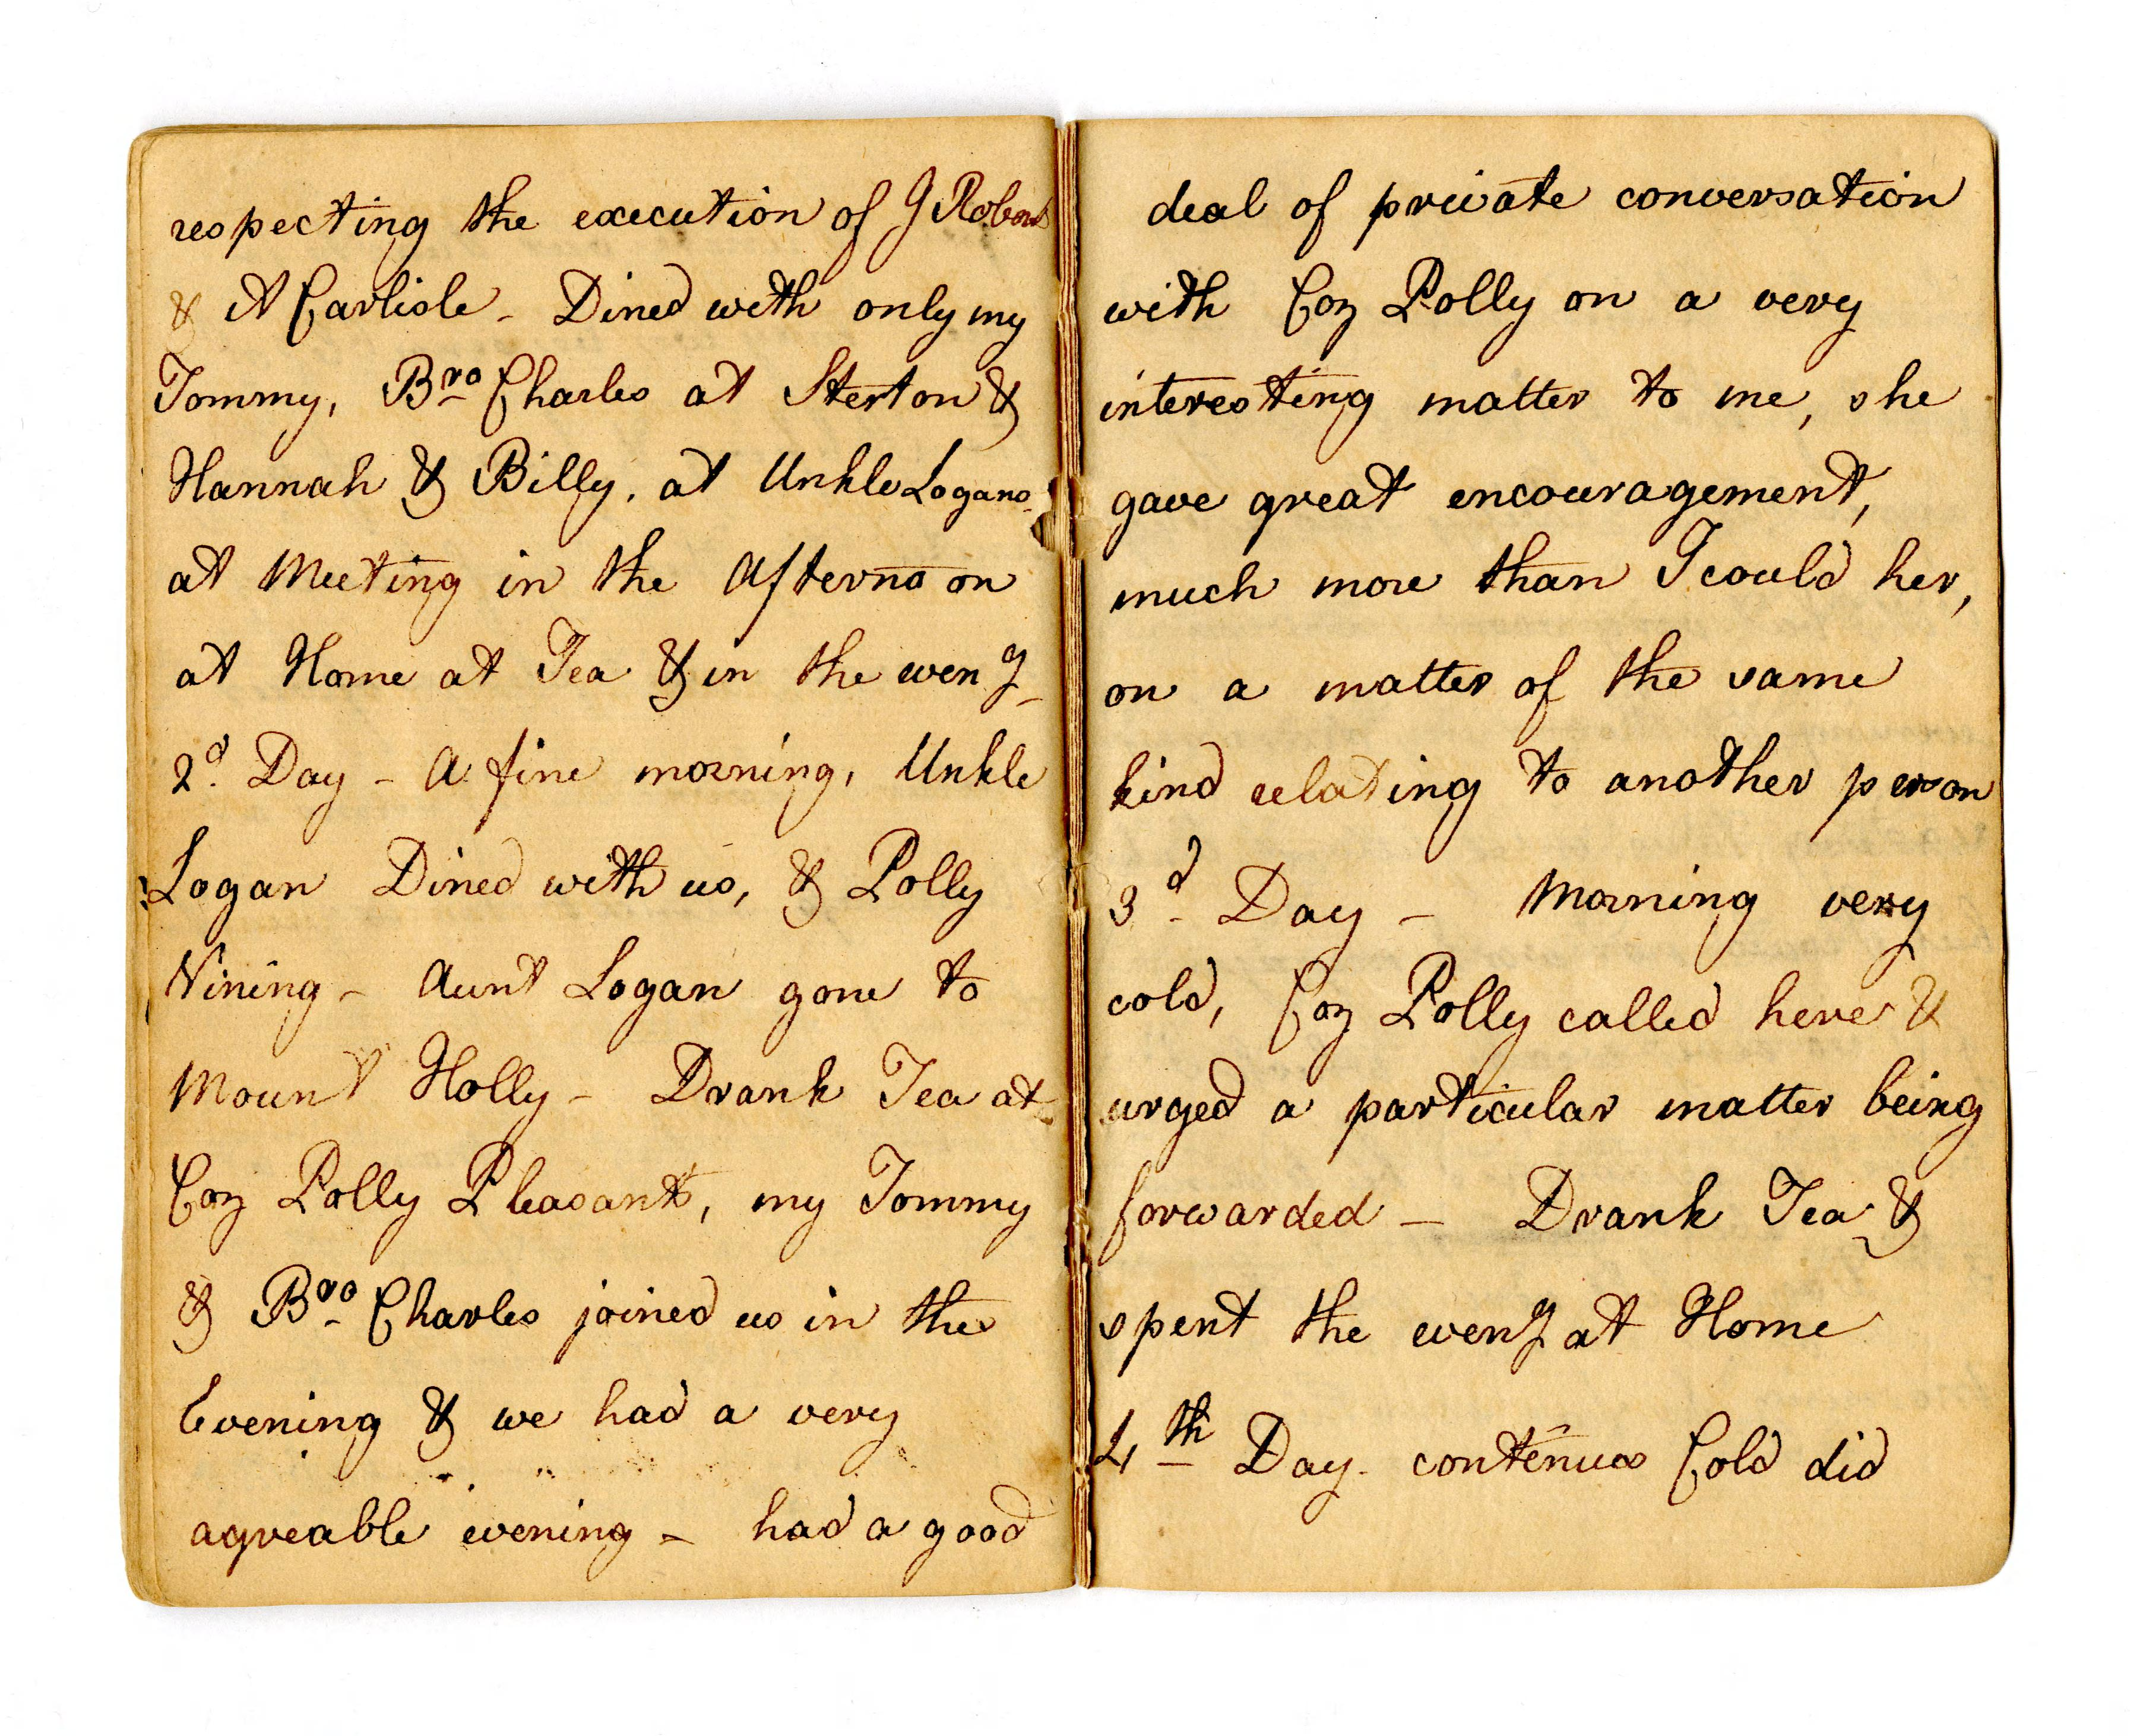respecting the execution of J Robert
& A Carlisle- Dined with only my
Tommy, B^ro Charles at Stenton &
Hannah & Billy, at Unkle Logans
at Meeting in the Afternoon
at Home at Tea & in the even^g
2^d. Day- A fine morning, Unkle
Logan Dined with us, & Polly
Vining- Aunt Logan gone to
Mount Holly- Drank Tea at
Coz Polly Pleasants, my Tommy
& B^ro Charles joined us in the
Evening & we had a very
agreable evening- had a good
deal of private conversation
with Coz Polly on a very
interesting matter to me, she
gave great encouragement,
much more than I could her,
on a matter of the same
kind relating to another person
3^th Day- Morning very
cold, Coz Polly called here &
urged a particular matter being
forwarded- Drank Tea &
spent the even^g at Home
4^th- Day. continues Cold did